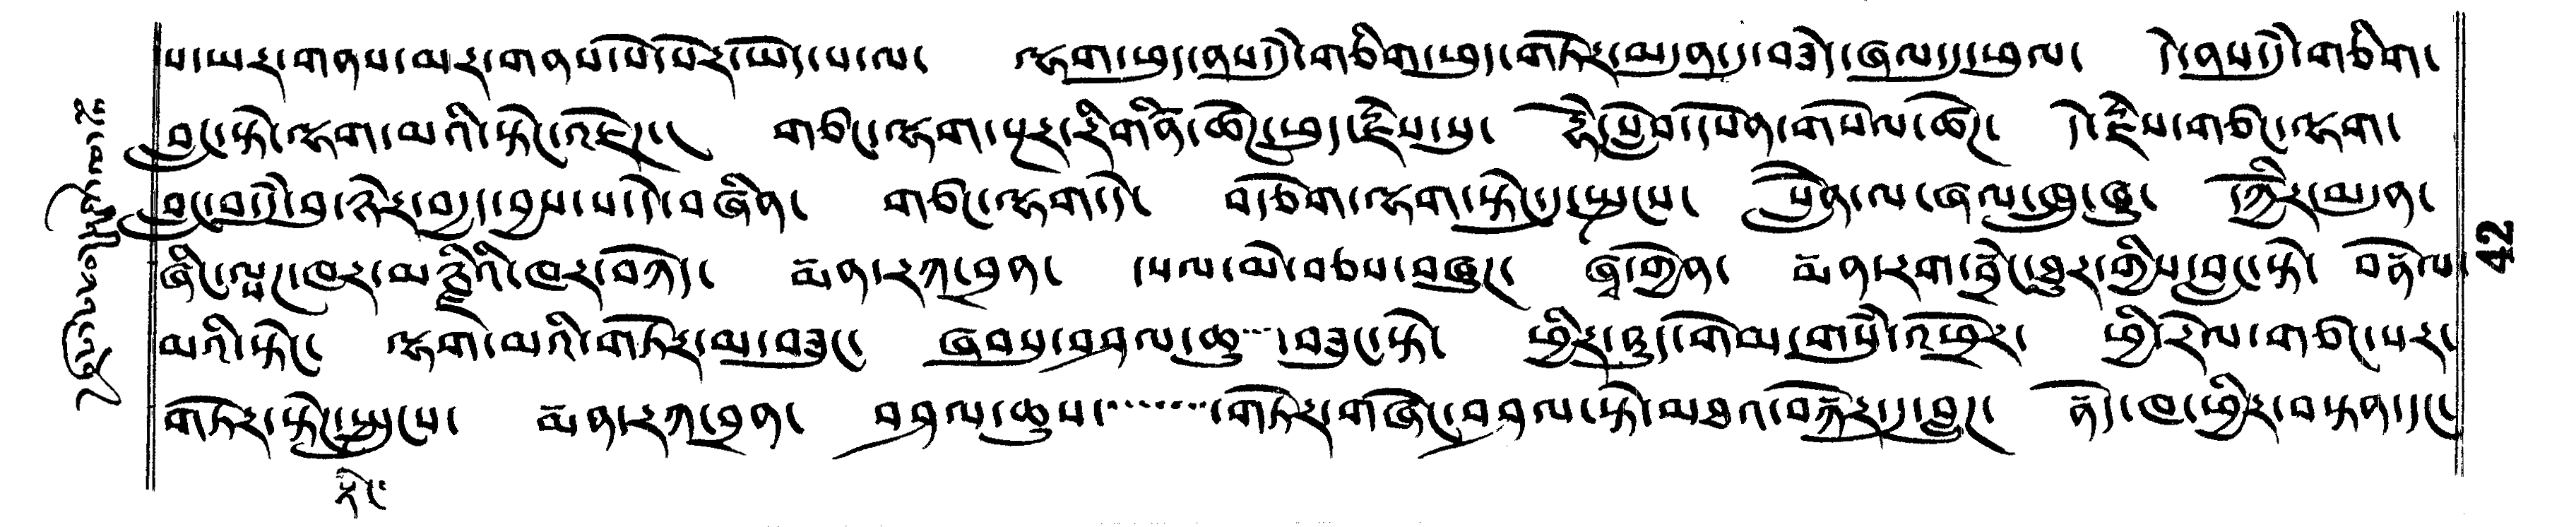པ་ཡར་གནས་མར་གནས་སོ་སོར་ཡོད་པ་ལ། ལྷག་ཕུད་ནས་དུམ་གཅིག་ཕུད་གཏོར་མདུན་དུ་བཟེད་ཞལ་དུ་ཕུལ། དེ་ནས་དུམ་གཅིག་
བླངས་ཏཻ་ལྷག་མའི་སྟེང་འཇོག གཙང་ལྷག་སྔར་རིག་འཛིན་ཚོགས་ཕུད་རྗེས་སུ། རྡོ་རྗེ་སློབ་དཔོན་གྱི་གསོལ་ཚོགས། དེ་རྗེས་གཙང་ལྷག་
བླངས་བ་དུམ་བུ་ཉེར་བརྒྱད་བྱས་པ་དེ་བཞིན།གཙང་ལྷག་དེ་བརྩོག་ལྷག་སྟེང་དུ་སྤུངས། སློབ་དཔོན་ལ་ཞལ་ཁྲུ་ཞུ། དཀྱིལ་འཁོར་མདུན་
ཞིང་ལྤགས་ཁར་མཉྫིའི་ཁར་བཀོད། སྨན་རཀ་བྲན། དཔལ་མེ་བཅས་བཞུགས། ཞྭ་གྱོན། སྨན་རག་སྦྲེང་ཐུར་གྱིས་བླངས་ཏེ། བསྣོལ་
མའི་སྟེང་། ལྷག་མའི་གཏོར་མ་བཟུང་། ཞབས་སུ་བཤལ་ཆུ་བཟུང་སྟེ། ཕྱིར་ནུད་གོམ་གསུམ་འཕྲོར། ཕྱི་རོལ་གཙང་སར་
གཏོར་སྟེགས་སྟེང་སྤུངས། སྨན་རཀ་བྲན། བཤལ་ཆུས་གཏོར་གཞོང་བཤལ་སྟེ་མཐའ་བསྐོར་དུ་བླུགས། སྣོད་ཁ་ཕྱིར་བསྟན་དང་